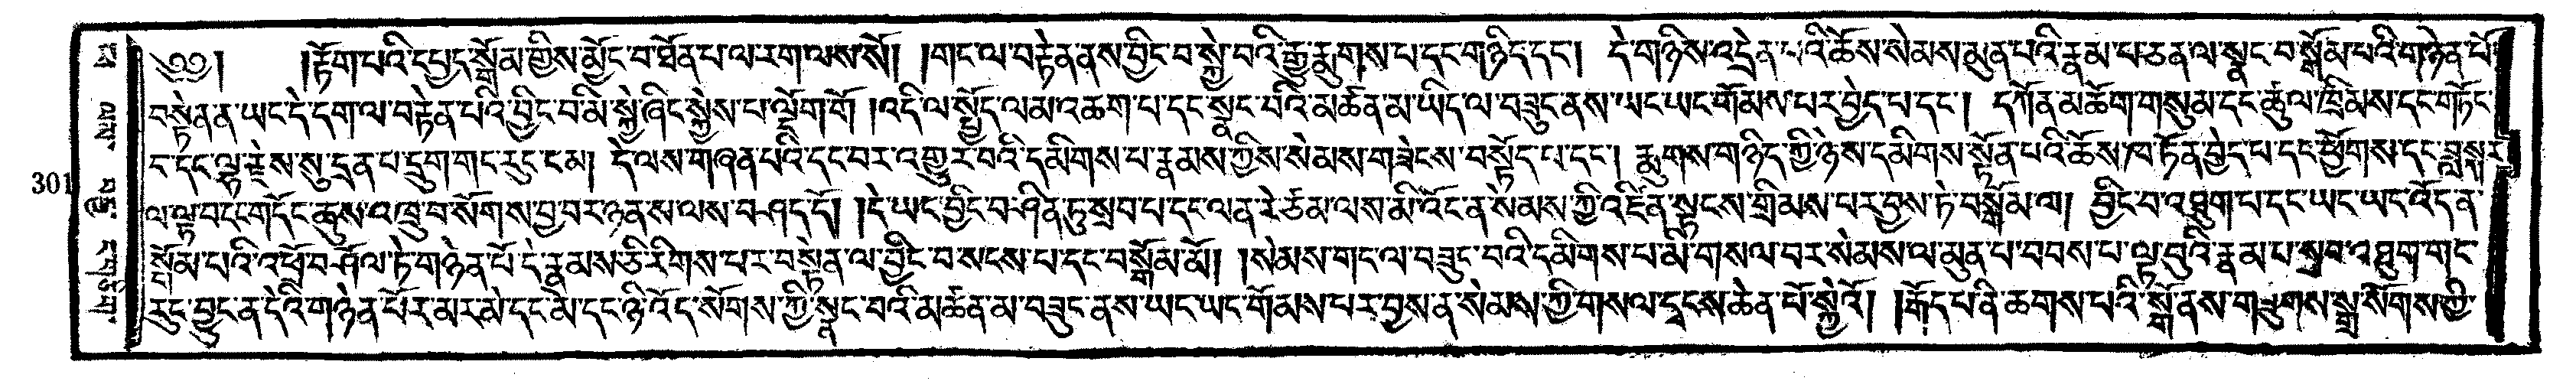༄༅། །རྟོག་པའི་དཔྱད་སྒོམ་གྱིས་མྱོང་བ་ཐོན་པ་ལ་རག་ལས་སོ། །གང་ལ་བརྟེན་ནས་བྱིང་བ་སྐྱེ་བའི་རྒྱུ་རྨུགས་པ་དང་གཉིད་དང་། དེ་གཉིས་འདྲེན་པའི་ཆོས་སེམས་མུན་པའི་རྣམ་པ་ཅན་ལ་སྣང་བ་སྒོམ་པའི་གཉེན་པོ་
བསྟེན་ན་ཡང་དེ་དག་ལ་བརྟེན་པའི་བྱིང་བ་མི་སྐྱེ་ཞིང་སྐྱེས་པ་ལྡོག་གོ། །འདི་ལ་སྤྱོད་ལམ་འཆག་པ་དང་སྣང་པའི་མཚན་མ་ཡིད་ལ་བཟུང་ནས་ཡང་ཡང་གོམས་པར་བྱེད་པ་དང་། དཀོན་མཆོག་གསུམ་དང་ཚུལ་ཁྲིམས་དང་གཏོང་
ང་དང་ལྷ་རྗེས་སུ་དྲན་པ་དྲུག་གང་རུང་ངམ། དེ་ལས་གཞན་པའི་དང་བར་འགྱུར་བའི་དམིགས་པ་རྣམས་ཀྱིས་སེམས་གཟེངས་བསྟོད་པ་དང་། རྨུགས་གཉིད་ཀྱི་ཉེ་ས་དམིགས་སྟོན་པའི་ཆོས་ཁ་ཏོན་བྱེད་པ་དང་ཕྱོགས་དང་བླ་སྐར་
ལ་ལྟ་བ་དང་གདོང་ཆུས་འཁྲུ་བ་སོགས་བྱ་བར་ཉན་ས་ལས་བཤད་དོ། །དེ་ཡང་བྱིང་བ་ཤིན་ཏུ་སྲབ་པ་དང་ལན་རེ་ཙམ་ལས་མི་འོང་ན་སེམས་ཀྱི་འཛིན་སྟངས་གྲིམས་པར་བྱས་ཏེ་བསྒོམ་ལ། བྱིང་བ་འཐུག་པ་དང་ཡང་ཡང་འདོ་ན་
སྒོམ་པའི་འཕྲོ་བཤོལ་ཏེ་གཉེན་པོ་དེ་རྣམས་ཅི་རིགས་པར་བསྟེན་ལ་བྱིང་བ་སངས་པ་དང་བསྒོམ་མོ། །སེམས་གང་ལ་བཟུང་བའི་དམིགས་པ་མི་གསལ་བར་སེམས་ལ་མུན་པ་བབས་པ་ལྟ་བུའི་རྣམ་པ་སྲབ་འཐུག་གང་
རུང་བྱུང་ན་དེའི་གཉེན་པོར་མར་མེ་དང་མེ་དང་ཉི་འོད་སོགས་ཀྱི་སྣང་བའི་མཚན་མ་བཟུང་ནས་ཡང་ཡང་གོམས་པར་བྱས་ན་སེམས་ཀྱི་གསལ་དྭངས་ཆེན་པོ་སྐྱེའོ། །རྒོད་པ་ནི་ཆགས་པའི་སྒོ་ནས་གཟུགས་སྒྲ་སོགས་ཀྱི་